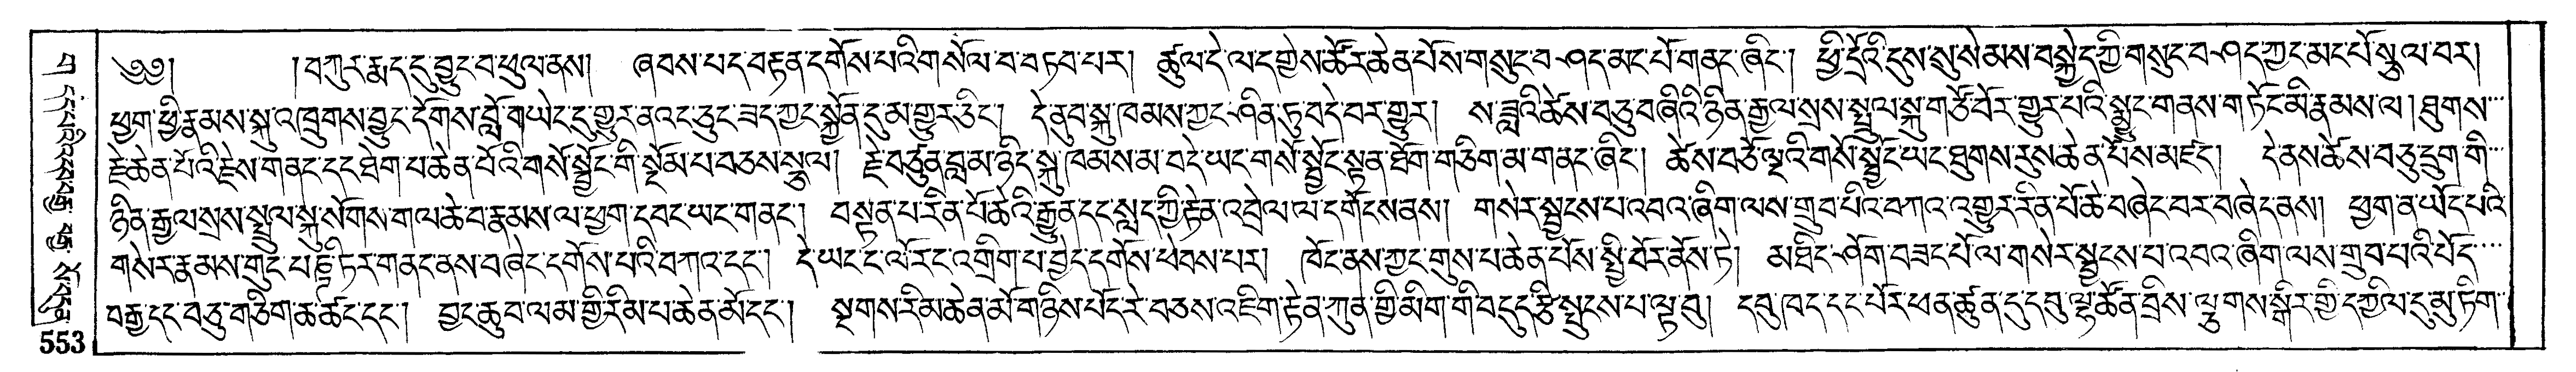༄༅། །བཀུར་རྨད་དུ་བྱུང་བ་ཕུལ་ནས། ཞབས་པད་བརྟན་དགོས་པའི་གསོལ་བ་བཏབ་པར། ཚུལ་དེ་ལ་དགྱེས་ཚོར་ཆེན་པོས་གསུང་བཤད་མང་པོ་གནང་ཞིང་། ཕྱི་དྲོའི་དུས་སུ་སེམས་བསྐྱེད་ཀྱི་གསུང་བཤད་ཀྱང་མང་པོ་སྩལ་བར།
ཕྱག་ཕྱི་རྣམས་སྐུ་འཁྲུགས་བྱུང་དོགས་བློ་གཡེང་དུ་གྱུར་ནའང་ཅུང་ཟད་ཀྱང་སྐྱོན་དུ་མ་གྱུར་ཅིང་། དེ་ནུབ་སྐུ་ཁམས་ཀྱང་ཤིན་ཏུ་བདེ་བར་གྱུར། ས་ཟླའི་ཚེས་བཅུ་བཞིའི་ཉིན་རྒྱལ་སྲས་སྤྲུལ་སྐུ་གཙོ་བོར་གྱུར་པའི་སྨྱུང་གནས་གཏོང་མི་རྣམས་ལ། ཐུགས་
རྗེ་ཆེན་པོའི་རྗེས་གནང་དང་ཐེག་པ་ཆེན་པོའི་གསོ་སྤྱོང་གི་སྔོམ་པ་བཅས་སྩལ། རྗེ་བཙུན་བླ་མ་ཉིད་སྐུ་ཁམས་མ་བདེ་ཡང་གསོ་སྦྱོང་སྟན་ཐོག་གཅིག་མ་གནང་ཞིང་། ཚེས་བཅོ་ལྔའི་གསོ་སྤྱོང་ཡང་ཐུགས་རུས་ཆེན་པོས་མཛད། དེ་ནས་ཚེས་བཅུ་དྲུག་གི་
ཉིན་རྒྱལ་སྲས་སྤྲུལ་སྐུ་སོགས་གལ་ཆེ་བ་རྣམས་ལ་ཕྱག་དབང་ཡང་གནང་། བསྟན་པ་རིན་པོ་ཆེའི་རྒྱུན་དང་སླད་ཀྱི་རྟེན་འབྲེལ་ལ་དགོངས་ནས། གསེར་སྦྱངས་པ་འབའ་ཞིག་ལས་གྲུབ་པའི་བཀའ་འགྱུར་རིན་པོ་ཆེ་བཞེང་བར་བཞེད་ནས། ཕྱག་ན་ཡོད་པའི་
གསེར་རྣམས་གུང་པཎྜི་ཏར་གནང་ནས་བཞེང་དགོས་པའི་བཀའ་དང་། དེ་ཡང་ད་ལོ་རང་འགྲིག་པ་བྱེད་དགོས་ཕེབས་པར། ཁོང་ནས་ཀྱང་གུས་པ་ཆེན་པོས་སྤྱི་བོར་ནོས་ཏེ། མཐིང་ཤོག་བཟང་པོ་ལ་གསེར་སྦྱངས་པ་འབའ་ཞིག་ལས་གྲུབ་པའི་པོད་
བརྒྱ་དང་བཅུ་གཅིག་ཆ་ཚང་དང་། བྱང་ཆུབ་ལམ་གྱི་རིམ་པ་ཆེན་མོ་དང་། སྔགས་རིམ་ཆེན་མོ་གཉིས་པོད་རེ་བཅས་འཇིག་རྟེན་ཀུན་གྱི་མིག་གི་བདུད་རྩི་སྤུངས་པ་ལྟ་བུ། དབུ་ཁང་དང་པོར་ཕན་ཚུན་དུ་དབུ་ལྷ་ཚོན་བྲིས་ལྕགས་སྒིར་གྱི་དཀྱིལ་དུ་མུ་ཏིག་